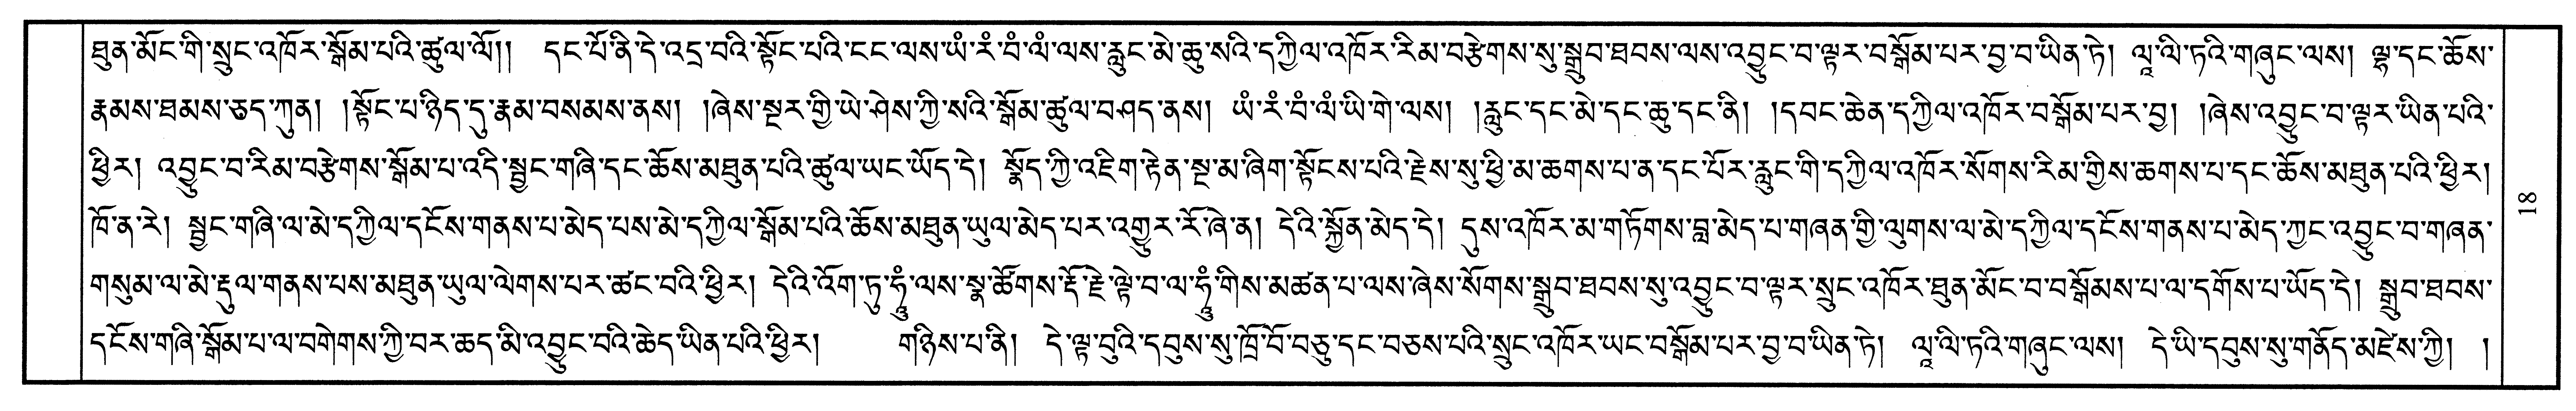ཐུན་མོང་གི་སྲུང་འཁོར་སྒོམ་པའི་ཚུལ་ལོ།། དང་པོ་ནི་དེ་འདྲ་བའི་སྟོང་པའི་ངང་ལས་ཡཾ་རཾ་བཾ་ལཾ་ལས་རླུང་མེ་ཆུ་སའི་སྐྱིལ་འཁོར་རིམ་བརྩེགས་སུ་སྒྲུབ་ཐབས་ལས་འབྱུང་བ་ལྟར་བསྒོམ་པར་བྱ་བ་ཡིན་ཏེ། ལཱ་ལི་ཏའི་གཞུང་ལས། ལྷ་དང་ཆོས་
རྣམས་ཐམས་ཅད་ཀུན། །སྟོང་པ་ཉིད་དུ་རྣམ་བསམས་ནས། །ཞེས་སྔར་གྱི་ཡེ་ཤེས་ཀྱི་སའི་སྒོམ་ཚུལ་བཤད་ནས། ཡཾ་རཾ་བཾ་ལཾ་ཡི་གེ་ལས། །རླུང་དང་མེ་དང་ཆུ་དང་ནི། །དབང་ཆེན་དཀྱིལ་འཁོར་བསྒོམ་པར་བྱ། །ཞེས་འབྱུང་བ་ལྟར་ཡིན་པའི་
ཕྱིར། འབྱུང་བ་རིམ་བརྩེགས་སྒོམ་པ་འདི་སྦྱང་གཞི་དང་ཆོས་མཐུན་པའི་ཚུལ་ཡང་ཡོད་དེ། སྣོད་ཀྱི་འཇིག་རྟེན་སྔ་མ་ཞིག་སྟོངས་པའི་རྗེས་སུ་ཕྱི་མ་ཆགས་པ་ན་དང་པོར་རླུང་གི་དཀྱིལ་འཁོར་སོགས་རིམ་གྱིས་ཆགས་པ་དང་ཆོས་མཐུན་པའི་ཕྱིར།
ཁོ་ན་རེ། སྦྱང་གཞི་ལ་མེ་དཀྱིལ་དངོས་གནས་པ་མེད་པས་མེད་དཀྱིལ་སྒོམ་པའི་ཆོས་མཐུན་ཡུལ་མེད་པར་འགྱུར་རོ་ཞེས་ན། དེའི་སྐྱོན་མེད་དེ། དུས་འཁོར་མ་གཏོགས་བླ་མེད་པ་གཞན་གྱི་ལུགས་ལ་མེ་དཀྱིལ་དངོས་གནས་པ་མེད་ཀྱང་འབྱུང་བ་གཞན་
གསུམ་ལ་མེ་རྡུལ་གནས་པས་མཐུན་ཡུལ་ལེགས་པར་ཚང་བའི་ཕྱིར། དེའི་འོག་ཏུ་ཧཱུཾ་ལས་སྣ་ཚོགས་རྡོ་རྗེ་ལྟེ་བ་ལ་ཧཱུཾ་གིས་མཚན་པ་ལས་ཞེས་སོགས་སྒྲུབ་ཐབས་སུ་འབྱུང་བ་ལྟར་སྲུང་འཁོར་ཐུན་མོང་བ་བསྒོམས་པ་ལ་དགོས་པ་ཡོད་དེ། སྒྲུབ་ཐབས་
དངོས་གཞི་སྒོམ་པ་ལ་བགེགས་ཀྱི་བར་ཆད་མི་འབྱུང་བའི་ཆེད་ཡིན་པའི་ཕྱིར། གཉིས་པ་ནི། དེ་ལྟ་བུའི་དབུས་སུ་ཁྲོ་བོ་བཅུ་དང་བཅས་པའི་སྲུང་འཁོར་ཡང་བསྒོམ་པར་བྱ་བ་ཡིན་ཏེ། ལཱ་ལི་ཏའི་གཞུང་ལས། དེ་ཡི་དབུས་སུ་གནོད་མཛེས་ཀྱི། །